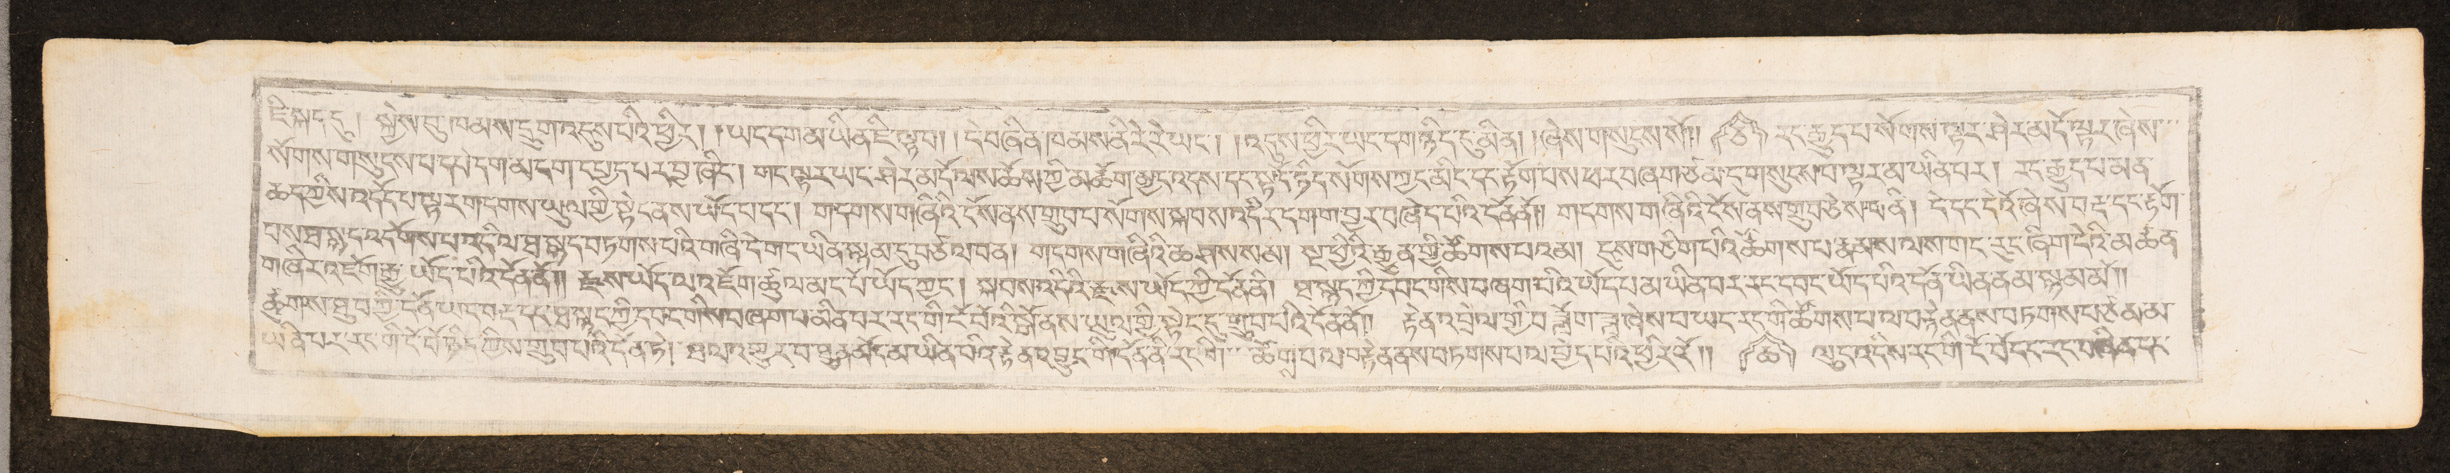ཇི་སྐད་དུ། སྐྱེས་བུ་ཁམས་དྲུག་འདུས་པའི་ཕྱིར། །ཡང་དག་མ་ཡིན་ཇི་ལྟ་བ། །དེ་བཞིན་ཁམས་ནི་རེ་རེ་ཡང་། །འདུས་ཕྱིར་ཡང་དག་ཉིད་དུ་མིན། །ཞེས་གསུངས་སོ།། ༼༽ཅ༼༽ རང་རྒྱུད་པ་སོགས་ལྟར་ཤེར་མདོ་ལྟར་ཞེས་
སོགས་གསུངས་པ་དཔེ་དག་མ་དག་དཔྱད་པར་བྱ་ཞིང་། གང་ལྟར་ཡང་ཤར་མོད་ལས་ཆོས་ཀྱི་མཆོག་མྱང་འདས་དང་སྟོང་ཉིད་སོགས་ཀྱང་མིང་དང་རྟོག་པས་ཕར་བཞག་ཙམ་དུ་གསུངས་པ་ལྟར་མ་ཡིན་པར། རང་རྒྱུད་པ་མན་
ཆད་ཀྱིས་འདོད་པ་ལྟར་གདགས་ཡུལ་གྱི་སྟེང་ནས་ཡོད་པ་དང་། དགས་གཞིའི་ངོས་ནས་གྲུབ་པ་སོགས་སྐབས་འདིར་དགག་བྱར་བཞེད་པའི་དོན་ནོ། །གདགས་གཞིའི་ངོས་ནས་གྲུབ་ཅེས་པ་ནི། དེ་དང་དེའོ་ཞེས་བརྡ་དང་རྟོག་
པས་ཐ་སྙད་འདོགས་པ་འདི་ལ་ཐ་སྙད་བཏགས་པའི་གཞི་དེ་གང་ཡིན་སྙམ་དུ་བཙལ་བ་ན། གདགས་གཞིའི་ཆ་ཤད་སམ། །སྔ་ཕྱིའི་རྒྱུན་གྱི་ཚོགས་པའམ། དུས་གཅིག་པའི་ཚོགས་པ་རྣམས་ལས་གང་རུང་ཞིག་དེའི་མཚན་
གཞིར་འཇོག་རྒྱུ་ཡོད་པའི་དོན་ནོ། །རྫས་ཡོད་ལ་འཇོག་ཚུལ་མང་པོ་ཡོད་ཀྱང་། སྐབས་འདིའི་རྫས་ཡོད་ཀྱི་དོན་ནི། ཐ་སྙད་ཀྱི་དབང་གིས་བཞག་པའི་ཡོད་པ་མ་ཡིན་པར་རང་དབང་ཡོད་པའི་དོན་ཡིན་ནམ་སྙམ་མོ།།
ཚུགས་ཐུབ་ཀྱི་དོན་ཡང་བརྡ་དང་ཐ་སྙད་ཀྱི་དབང་གིས་བཞག་པ་མིན་པར་རང་གི་ངོ་བོའི་སྒོ་ནས་ཡུལ་ཀྱི་སྟེང་དུ་གྲུབ་པའི་དོན་ནོ། རྟེན་འབྲེལ་གྱི་བ་ཟློག་ཟླ་ཞེས་པ་ཡང་རང་གི་ཚོགས་པ་ལ་བརྟེན་ནས་བཏགས་པ་ཙམ་མ་
ཡིན་པར་རང་གི་ངོ་བོ་ཉིད་ཀྱིས་གྲུབ་པའི་དོན་ཏེ། ཐལ་འགྱུར་བ་ཐུན་མོང་མ་ཡིན་པའི་རྟེན་འབྱུང་གི་དོན་ནི་རང་གི་ཚོགས་པ་ལ་བརྟེན་ནས་བཏགས་པ་ལ་བྱེད་པའི་ཕྱིར་རོ།། ༼༽ཆ༼༽ ལུང་འདིས་རང་གི་ངོ་བོ་དང་རང་བཞིན་དང་